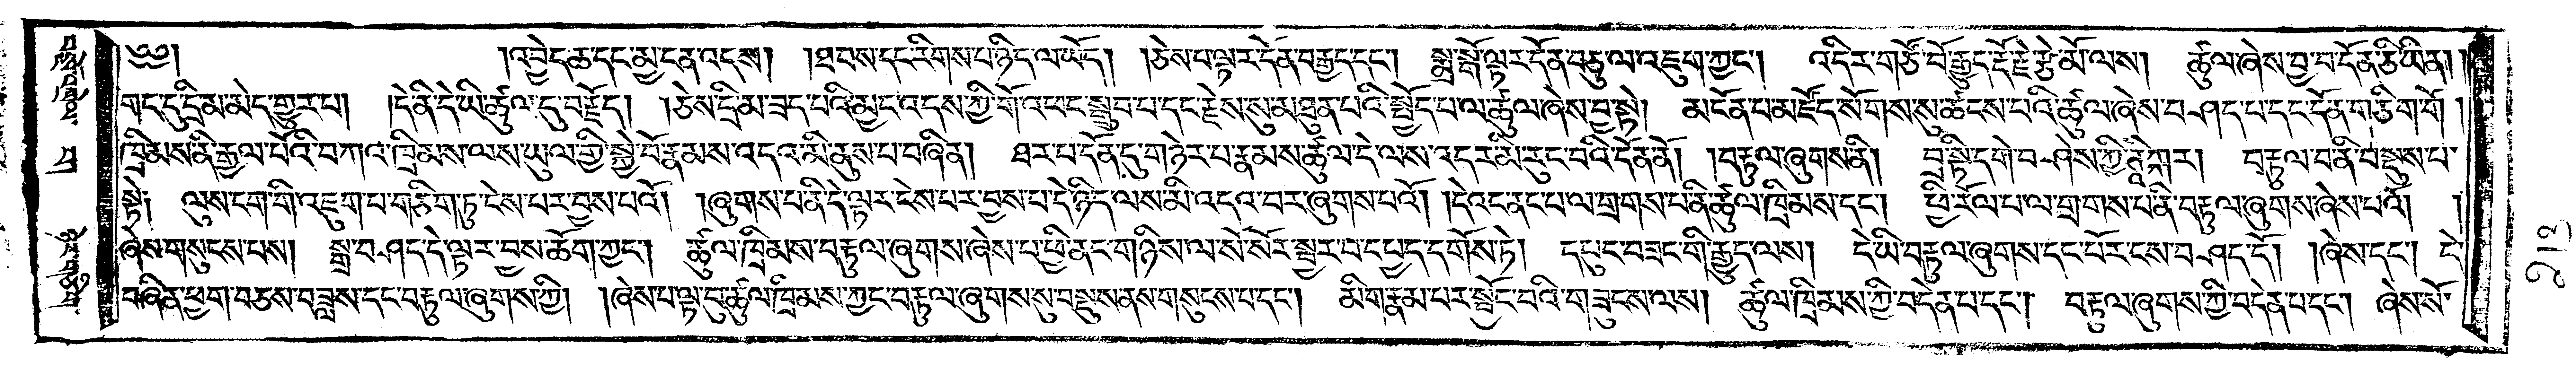༄༅། །འབྱེད་ཆ་དང་མྱ་ངན་འདས། །ཐབས་དང་རིགས་པ་ཉིད་ལ་ཡོད། །ཅེས་པ་ལྟར་དོན་བརྒྱད་དང་། སྨྲ་སྒོ་ལྟར་དོན་བཅུ་ལ་འཇུག་ཀྱང་། འདིར་གཙོ་བོ་རྒྱུད་རྡོ་རྗེ་རྩེ་མོ་ལས། ཚུལ་ཞེས་བྱ་བ་དོན་ཅི་ཡིན།
གང་དུ་དྲི་མ་མེད་གྱུར་བ། །དེ་ནི་དེ་ཡི་ཚུལ་དུ་བརྗོད། །ཅེས་དྲི་མ་ཟད་པའི་མྱང་འདས་ཀྱི་གོ་འཕར་སྒྲུབ་པ་དང་རྗེས་སུ་མཐུན་པའི་སྤྱོད་པ་ལ་ཚུལ་ཞེས་བྱ་སྟེ། མངོན་པ་མཛོད་སོགས་སུ་ཚང་བའི་ཚུལ་ཞེས་བཤད་པ་དང་དོན་གཅིག་གོ་
ཁྲིམས་ནི་རྒྱལ་པོའི་བཀའ་ཁྲིམས་ལས་ཡུལ་གྱི་སྐྱེ་བོ་རྣམས་འདའ་མི་ནུས་པ་བཞིན། ཐར་པ་དོན་དུ་གཉེར་པ་རྣམས་ཚུལ་དེ་ལས་འདར་མི་རུང་བའི་དོན་ནོ། །བརྟུལ་ཞུགས་ནི། བྲ་སྟི་དགེ་བཤེས་ཀྱི་ཊྭིཀྐར། བརྟུལ་པ་ནི་བསྡུས་པ་
སྟེ། ལུས་ངག་གི་འཇུག་བ་གཅིག་ཏུ་ངེས་པར་བྱས་པའོ། །ཞུགས་པ་ནི་དེ་ལྟར་ངེས་པར་བྱས་པ་དེ་ཉིད་ལས་མི་འདའ་བར་ཞུགས་པའོ། །དེའང་ནང་པ་ལ་གྲགས་པ་ནི་ཚུལ་ཁྲིམས་དང་། ཕྱི་རོལ་པ་ལ་གྲགས་པ་ནི་བརྟུལ་ཞུགས་ཞེས་པའོ། །
ཞེས་གསུངས་པས། སྒྲ་བཤད་དེ་ལྟར་བྱས་ཆོག་ཀྱང་། ཚུལ་ཁྲིམས་བརྟུལ་ཞུགས་ཞེས་པ་ཕྱི་ནང་གཉིས་ལ་སོ་སོར་སྦྱར་བ་དཔྱད་དགོས་ཏེ། དཔུང་བཟང་གི་རྒྱུད་ལས། དེ་ཡི་བརྟུལ་ཞུགས་དང་པོར་ངས་བཤད་དོ། །ཞེས་དང་། དེ་
བཞིན་ཕྱག་བཅས་བཟླས་དང་བརྟུལ་ཞུགས་ཀྱི། །ཞེས་པ་ལྟ་བུ་ཚུལ་ཁྲིམས་ཀྱང་བརྟུལ་ཞུགས་སུ་བསྡུས་ནས་གསུངས་པ་དང་། མིག་རྣམ་པར་སྦྱོང་བའི་གཟུངས་ལས། ཚུལ་ཁྲིམས་ཀྱི་བདེན་པ་དང་། བརྟུལ་ཞུགས་ཀྱི་བདེན་པ་དང་། ཞེས་སོ་